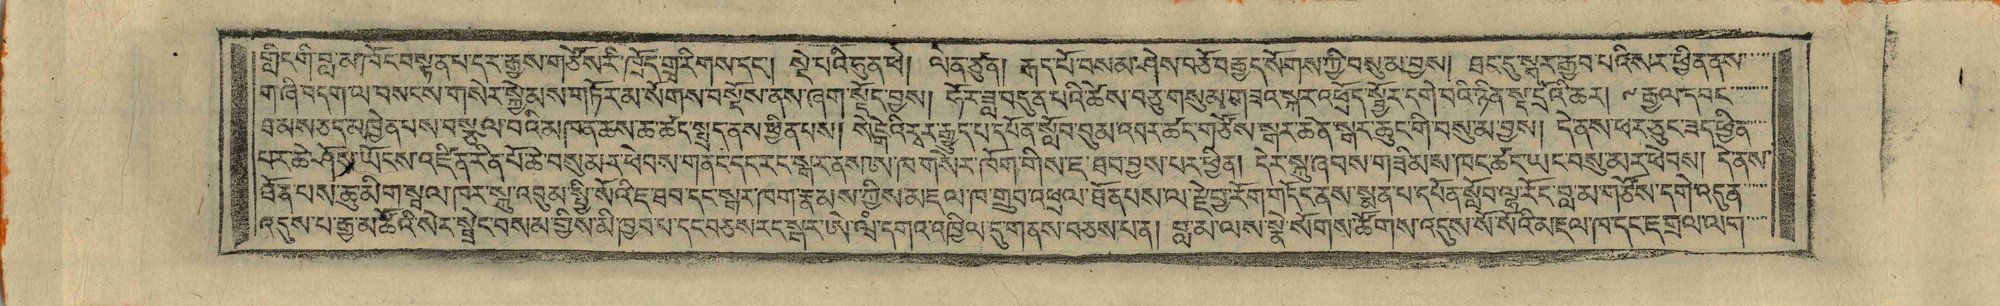གླིང་གི་བླ་མ་ཁོང་བསྟན་པ་དར་རྒྱས་གཙོས་རི་ཁྲོད་གྲྭ་རིགས་དང་། སྡེ་པའི་ཧུན་ཕེ། ལེན་ཙུན། རྒད་པོ་བསམ་ཤེས་བཅོ་བརྒྱད་སོགས་ཀྱི་བསུ་མ་བྱས། ཐང་དུ་སྒར་རྒྱབ་པའི་སར་ཕྱིན་ནས་
གཞི་བདག་ལ་བསངས་གསེར་སྐྱེམས་གཏོར་མ་སོགས་བསྡོས་ནས་ཞག་སྡོད་བྱས། ཧོར་ཟླ་བདུན་པའི་ཚེས་བཅུ་གསུམ་གཟའ་སྐར་འཕྲོད་སྦྱོར་དགེ་བའི་ཉིན་སྡ་དྲོའི་ཆར། ༧་རྒྱལ་དབང་
ཐམས་ཅད་མཁྱེན་པས་བསྩལ་བའི་མཁན་ཆས་ཆ་ཚང་སྤྲད་ནས་ཕྱིན་པས། སེངྒེའི་རྭར་རྒྱུད་པ་དཔོན་སློབ་བུམ་འབར་ཚང་གཙོས་སྒར་ཆེན་སྒར་ཆུང་གི་བསུ་མ་བྱས། དེ་ནས་ཕར་ཅུང་ཟད་ཕྱིན་
པར་ཆེ་ཤོས་ཡོངས་འཛིན་རིན་པོ་ཆེ་བསུ་མར་ཕེབས་གནང་དང་རང་སྒར་ནས་ཨ་ཁ་གསེར་ཁོག་གིས་ཇ་ཐབ་བྱས་པར་ཕྱིན། དེར་སྐུ་ཞབས་གཟིམས་ཁང་ཚང་ཡང་བསུ་མར་ཕེབས། དེ་ནས་
ཐོན་པས་ཆུ་མིག་སྦལ་ཁར་སྐུ་འབུམ་སྤྱི་སོའི་ཇ་ཐབ་དང་སྒར་ཁག་རྣམས་ཀྱིས་མཇལ་ཁ་གྲུབ་འཕྲལ་ཐོན་པས་ལ་རྫེ་བྱ་རོག་གདོང་ནས་སྨན་པ་དཔོན་སློབ་ལྷ་རོང་བླ་མ་གཙོས་དགེ་འདུན་
འདུས་པ་རྒྱ་མཚོའི་སེར་སྦྲེང་བསམ་གྱིས་མི་ཁྱབ་པ་དང་བཅས་རང་སྒར་ཨེ་ཝཾ་དགའ་འཁྱིལ་དུ་གནས་བཅས་པ་ན། བླ་མ་ལས་སྣེ་སོགས་ཚོགས་འདུས་སོ་སོའི་མཇལ་ཁ་དང་ཇ་གྲལ་ལག་